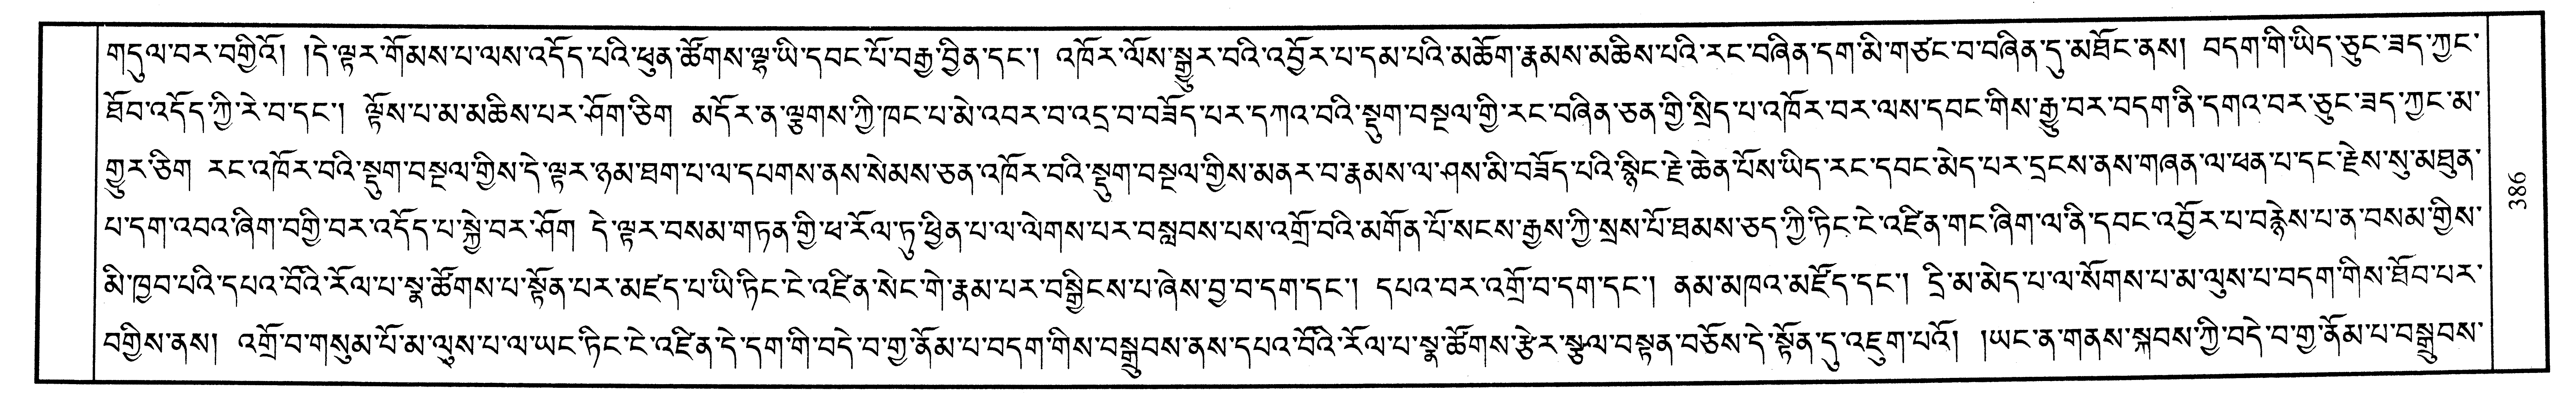གདུལ་བར་བགྱིའོ། །དེ་ལྟར་གོམས་པ་ལས་འདོད་པའི་ཕུན་ཚོགས་ལྷ་ཡི་དབང་པོ་བརྒྱ་བྱིན་དང་། འཁོར་ལོས་སྒྲུར་བའི་འབྱོར་བ་དམ་པའི་མཆོག་རྣམས་མཆིས་པའི་རང་བཞིན་དག་མི་གཙང་བ་བཞིན་དུ་མཐོང་ནས། བདག་གི་ཡིད་ཅུང་ཟད་ཀྱང་
ཐོབ་འདོད་ཀྱི་རེ་བ་དང་། ལྟོས་པ་མ་མཆིས་པར་ཤོག་ཅིག་མདོར་ན་ལྕགས་ཀྱི་ཁང་པ་མེ་འབར་བ་འདྲ་བ་བཟོད་པར་དཀའ་བའི་སྡུག་བསྔལ་གྱི་རང་བཞིན་ཅན་གྱི་སྲིད་པ་འཁོར་བར་ལས་དབང་གིས་རྒྱུ་བར་བདག་ནི་དགའ་བར་ཅུང་ཟད་ཀྱང་མ་
གྱུར་ཅིག་རང་འཁོར་བའི་སྡུག་བསྔལ་གྱིས་དེ་ལྟར་ཉམ་ཐག་པ་ལ་དཔགས་ནས་སེམས་ཅན་འཁོར་བའི་སྡུག་བསྔལ་གྱིས་མནར་བ་རྣམས་ལ་ཤས་མི་བཟོད་པའི་སྙིང་རྗེ་ཆེན་པོས་ཡིད་རང་དབང་མེད་པར་དྲངས་ནས་གཞན་ལ་ཕན་པ་དང་རྗེས་སུ་མཐུན་
པ་དག་འབའ་ཞིག་བགྱི་བར་འདོད་པ་སྐྱེ་བར་ཤོག་དེ་ལྟར་བསམ་གཏན་གྱི་ཕ་རོལ་ཏུ་ཕྱིན་པ་ལ་ལེགས་པར་བསླབས་པས་འགྲོ་བའི་མགོན་པོ་སངས་རྒྱས་ཀྱི་སྲས་པོ་ཐམས་ཅད་ཀྱི་ཏིང་ངེ་འཛིན་གང་ཞིག་ལ་ནི་དབང་འབྱོར་བ་བརྙེས་པ་ན་བསམ་གྱིས་
མི་ཁྱབ་པའི་དཔའ་བོའི་རོལ་པ་སྣ་ཚོགས་པ་སྟོན་པར་མཛད་པ་ཡི་ཏིང་ངེ་འཛིན་སེང་གེ་རྣམ་པར་བསྒྱིངས་པ་ཞེས་བྱ་བ་དག་དང་། དཔའ་བར་འགྲོ་བ་དག་དང་། ནམ་མཁའ་མཛོད་དང་། དྲི་མ་མེད་པ་ལ་སོགས་པ་མ་ལུས་པ་བདག་གིས་ཐོབ་པར་
བགྱིས་ནས། འགྲོ་བ་གསུམ་པོ་མ་ལུས་པ་ལ་ཡང་ཏིང་ངེ་འཛིན་དེ་དག་གི་བདེ་བ་གྱ་ནོམ་པ་བདག་གིས་བསྒྲུབས་ནས་དཔའ་བོའི་རོལ་པ་སྣ་ཚོགས་རྩེར་སྩལ་བསན་བཅོས་དེ་སྟོན་དུ་འཇུག་པའོ། །ཡང་ན་གནས་སྐབས་ཀྱི་བདེ་བ་གྱ་ནོམ་པ་བསྒྲུབས་